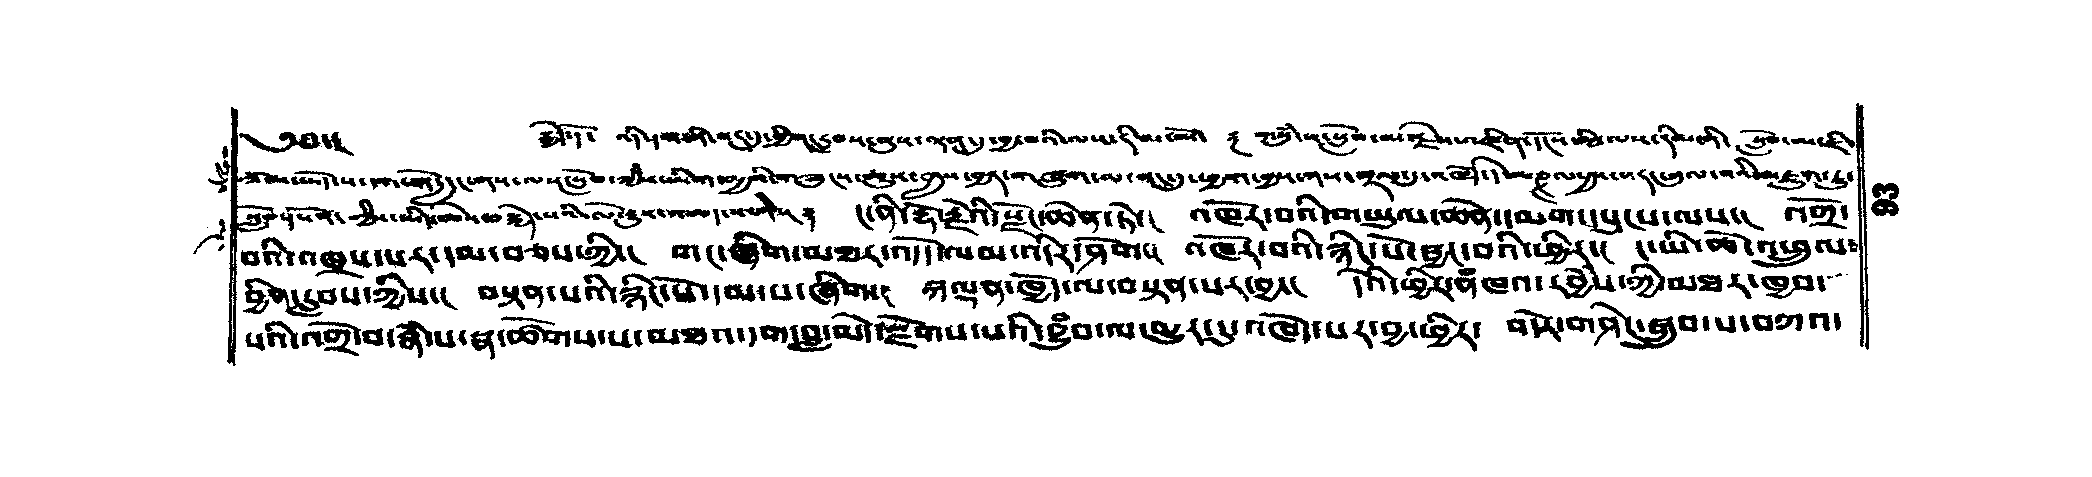སྐྱེད་དོ། འདི་དག་ནི་བར་དུ་བྱིན་རླབས་ནུས་ལྡན་དུ་བྱ་བའི་ལས་རིམ་མོ།༈ གསུམ་པ་སློབ་མ་རྗེས་འཛིན་དངོས་ཀྱི་ལས་རིམ་ནི། སློབ་མ་ཇི་
ཙམ་ཡོད་པ་དག་སྒོ་དྲུང་ནས་ལས་སློབ་ཀྱིས་ཡིག་བརྒྱའི་གཟུངས་ཆུས་གྲུས་བྱར་གཞུག་ལ་ནང་དུ་ཕྱག་བྱས་ནས་བྲལ་དུ་འཁོད་དེ་མཎྜལ་རྒྱས་པར་ཕུལ་བའི་མཇུག་ཏུ་
སློབ་དཔོན་གྱིས་ཡིད་ཆེས་བསྐྱེད་པའི་རྒྱུས་འཆད་པ་ནི། ༈ ང་ནི་རྡོ་རྗེའི་རྫོང་ཆེན་ཏེ། འཁོར་བའི་གཡུལ་ཆེན་དམག་དཔུངས་ལས། འགྲོ་
བའི་འཁྲས་པར་དམ་བཅས་ཀྱི། གང་ཞིག་མཐར་འདོད་ལམ་འདིར་ཤོག འཁོར་བའི་སྙིང་པོ་སྦྱང་བའི་ཕྱིར། ང་ཡི་ཆོ་འཕྲུལ་
བྱིན་རླབས་ཀྱིས། བསྟན་པའི་སྙིང་པོ་དམ་པ་ཞིག སྐལ་ལྡན་ཁྱོད་ལ་བསྟན་པ་བྱ། དེའི་ཕྱིར་ནམ་མཁའ་རབ་འབྱམས་ཀྱི་མཐར་ཁྱབ་
པའི་འགྲོ་བ་རྣམ་པ་སྣ་ཚོགས་པ་མཐའ་དག་བླ་མེད་རྫོགས་པའི་བྱང་ཆུབ་ལ་མྱུར་དུ་འཁོར་པར་བྱ་ཕྱིར། བདེ་གཤེགས་སྒྲུབ་པ་བཀའ་